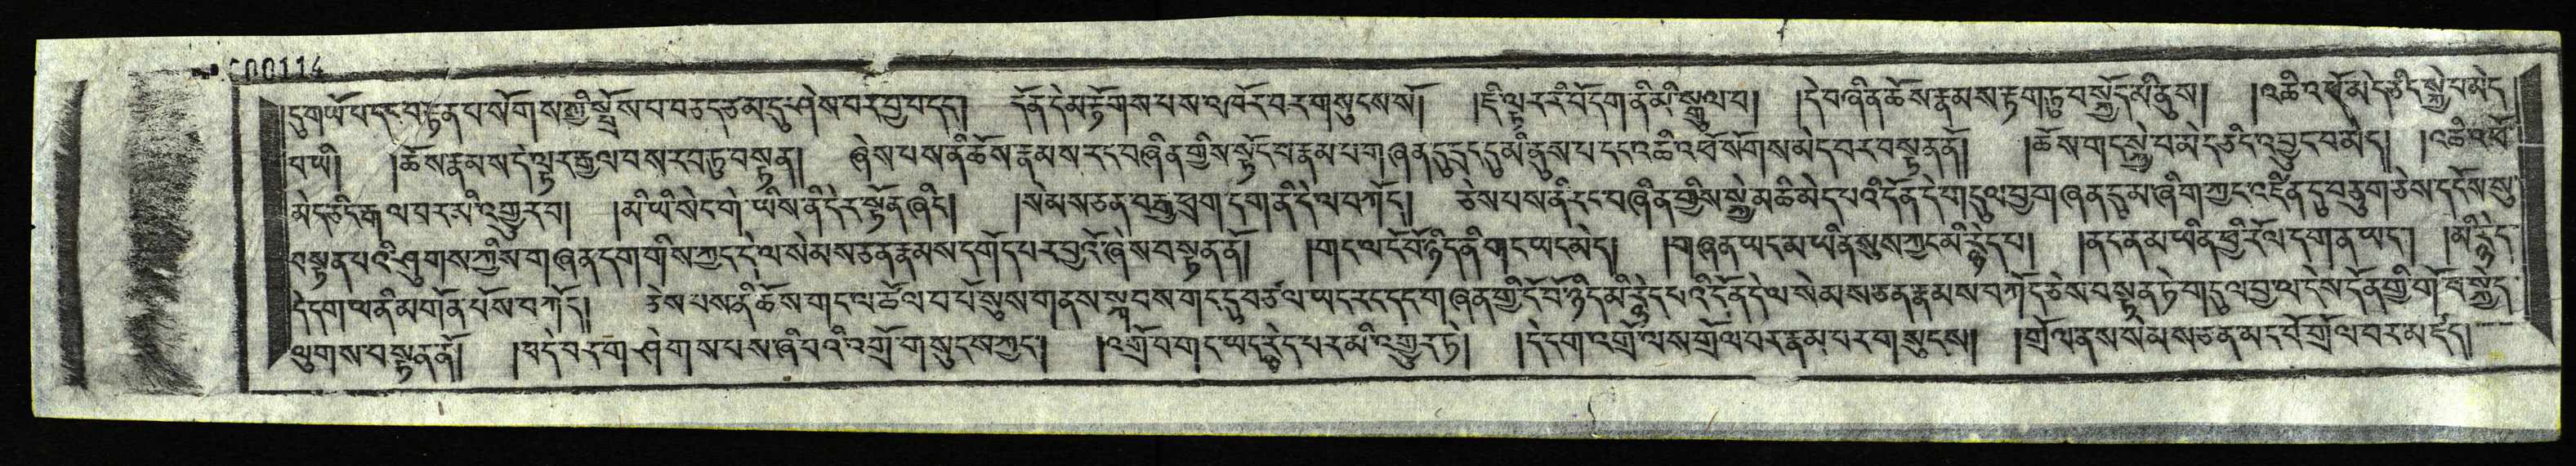དུ་གཡོ་བ་དང་བརྟན་པ་སོགས་ཀྱི་སྤྲོས་བ་བཅད་ཙམ་དུ་ཤེས་པར་བྱ་བ་དང་། དོན་དེ་མ་རྟོགས་པས་འཁོར་བར་གསུངས་སོ། །ཇི་ལྟར་རི་བོ་དག་ནི་མི་སྒུལ་བ། །དེ་བཞིན་ཆོས་རྣམས་རྟག་ཏུ་བསྐྱོད་མི་ནུས། །འཆི་འཕོ་མེད་ཅིང་སྐྱེ་བ་མེད་
པ་ཡི། །ཆོས་རྣམས་དེ་ལྟར་རྒྱལ་བས་རབ་ཏུ་བསྟན། ཞེས་པས་ནི་ཆོས་རྣམས་རང་བཞིན་གྱིས་སྟོང་པ་རྣམ་པ་གཞན་དུ་དྲང་དུ་མི་ནུས་པ་དང་འཆི་འཕོ་སོགས་མེད་པར་བསྟན་ནོ། །ཆོས་གང་སྐྱེ་བ་མེད་ཅིང་འབྱུང་བ་མེད། །འཆི་འཕོ་
མེད་ཅིང་རྒལ་བར་མི་འགྱུར་པ། །མི་ཡི་སེང་གེ་ཡིས་ནི་དེར་སྟོན་ཞིང་། །སེམས་ཅན་བརྒྱ་ཕྲག་དག་ནི་དེ་ལ་བཀོད། ཅེས་པས་ནི་རང་བཞིན་གྱིས་སྐྱེ་འཆི་མེད་པའི་དོན་དེ་གདུལ་བྱ་གཞན་དུ་མ་ཞིག་ཀྱང་འཛིན་དུ་བཅུག་ཅེས་དངོས་སུ་
བསྟན་པའི་ཤུགས་ཀྱིས་གཞན་དག་གིས་ཀྱང་དེ་ལ་སེམས་ཅན་རྣམས་དགོད་པར་བྱའོ་ཞེས་བསྟན་ནོ། །གང་ལ་ངོ་བོ་ཉིད་ནི་གང་ཡང་མེད། །གཞན་ཡང་མ་ཡིན་སུས་ཀྱང་མི་རྙེད་པ། །ནང་ན་མ་ཡིན་ཕྱི་རོལ་དག་ན་ཡང་། །མི་རྙེད་
དེ་དག་ལ་ནི་མགོན་པོས་བཀོད། ཅེས་པས་ནི་ཆོས་གང་ལ་ཚོལ་བ་པོ་སུས་གནས་སྐབས་གང་དུ་བཙལ་ཡང་རང་དང་གཞན་གྱི་ངོ་བོ་ཉིད་མི་རྙེད་པའི་དོན་དེ་ལ་སེམས་ཅན་རྣམས་བཀོད་ཅེས་བསྟན་ཏེ་གདུལ་བྱ་ལ་དེས་དོན་གྱི་གོ་བ་སྐྱེད་
ལུགས་བསྟན་ནོ། །བདེ་བར་གཤེགས་པས་ཞི་བའི་འགྲོ་གསུངས་ཀྱང་། །འགྲོ་བ་གང་ཡང་རྙེད་པར་མི་འགྱུར་ཏེ། །དེ་དག་འགྲོ་ལས་གྲོལ་བར་རྣམ་པར་གསུངས། །གྲོལ་ནས་སེམས་ཅན་མང་པོ་གྲོལ་བར་མཛད།